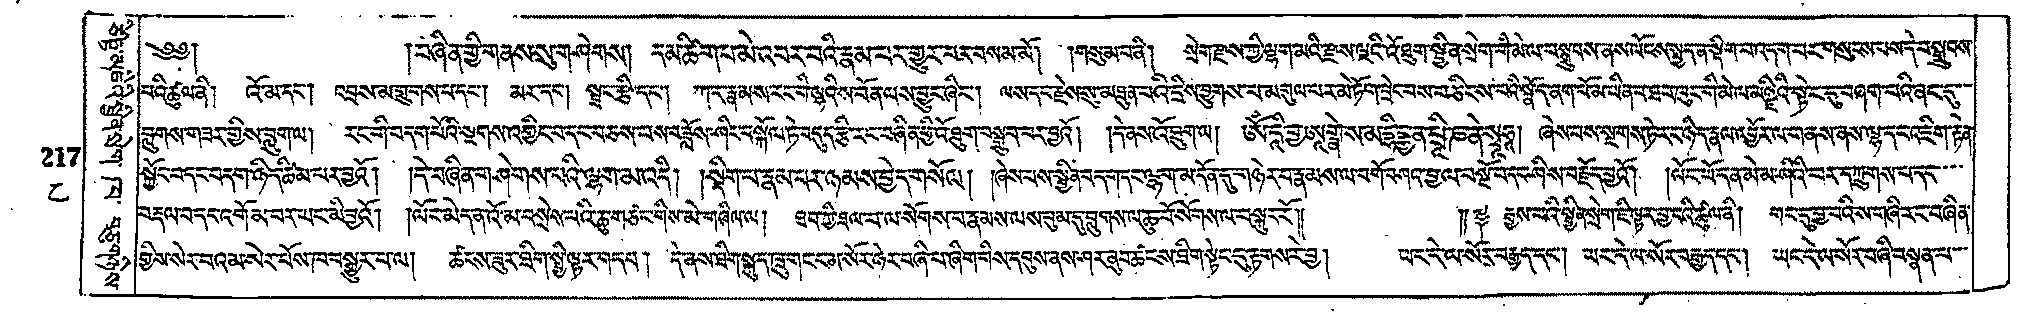༄༅། །བཞིན་གྱི་གནས་སུ་གཤེགས། དམ་ཚིག་པ་མེ་འབར་བའི་རྣམ་པར་གྱུར་པར་བསམ་མོ། །གསུམ་པ་ནི། སྲེག་རྫས་ཀྱི་ལྷག་མའི་རྫས་ལྔའི་འོ་ཐུག་སྦྱིན་སྲེག་གི་མེ་ལ་བསྒྲུབས་ནས་ལོངས་སྤྱད་ན་སྡིག་པ་འདག་པར་གསུངས་པས་དེ་བསྒྲུབས་
པའི་ཚུལ་ནི། འོ་མ་དང་། འབྲས་མ་གྲུགས་པ་དང་། མར་དང་། སྦྲང་རྩི་དང་། ཀ་ར་རྣམས་རང་གི་ལྷའི་ས་བོན་ལས་བྱུང་ཞིང་། ལས་དང་རྗེས་སུ་མཐུན་པའི་དྲིས་བྱུགས་པ་མགུལ་པར་མེ་ཏོག་ཕྲེང་བས་བཅིངས་པའི་སྣོད་ནག་པོ་མ་ཡིན་པ་ཐབ་ཁུང་གི་མེ་ལ་མཉྫིའི་སྟེང་དུ་བཞག་པའི་ནང་དུ་་་
བླུགས་གཟར་གྱིས་བླུག་ལ། རང་གི་བདག་པོའི་སྔགས་འགྱིང་བ་དང་བཅས་པས་བཟློས་ཤིང་བསྐོལ་ཏེ་བདུད་རྩི་རང་བཞིན་གྱི་འོ་ཐུག་བསྒྲུབ་པར་བྱའོ། །དེ་ནས་འོ་ཐུག་ལ། ཨོཾ་དཱི་བྱ་ཨཱགནེ་ས་མ་དྷི་དྷྱ་ན་པྲཱི་ཎ་ནེ་སྭཱཧཱ། ཞེས་པས་སྔགས་ཏེ་རང་ཉིད་རྣལ་འབྱོར་ལ་གནས་ནས་ལྷ་དང་འཇིག་རྟེན་
སྐྱོང་བ་དང་བདག་ཉིད་ཚིམ་པར་བྱའོ། །དེ་བཞིན་གཤེགས་པའི་ལྷག་མ་འདི། །སྡིག་པ་རྣམ་པར་ཉམས་བྱེད་གསོལ། །ཞེས་པས་སྦྱིན་བདག་དང་ལྷག་མ་དོན་དུ་གཉེར་བ་རྣམས་ལ་བགོ་བཤའ་བྱ་ལ་བསྔོ་བ་དང་ཤིས་བརྗོད་བྱའོ། །ལོང་ཡོད་ན་མེ་མ་ཤིའི་བར་དཀྲུགས་པ་དང་་་
བརྡལ་བ་དང་འགོམ་པར་ཡང་མི་བྱའོ། །ལོང་མེད་ནའོ་མ་བསྲེས་པའི་ཆུ་གཙང་གིས་མེ་གཞིལ་ལ། ཐབ་ཀྱི་ཐལ་བ་ལ་སོགས་བ་རྣམས་ལས་བུམ་དུ་བླུགས་ལ་ཆུ་བོ་སོགས་ལ་བསྐུར་རོ།། །། འ་རྒྱས་པའི་སྦྱིན་སྲེག་ཇི་ལྟར་བྱ་བའི་ཚུལ་ནི། གང་དུ་བྱ་བའི་ས་གཞི་རང་བཞིན་
གྱིས་སེར་བའམ་སེར་པོས་ཁ་བསྒྱུར་པ་ལ། ཚངས་ཟུར་ཐིག་སྤྱི་ལྟར་གདབ། དེ་ནས་ཐིག་སྐུད་ཁྲུ་གང་ངམ་སོར་ཉེར་བཞི་པ་ཞིག་གིས་དབུས་ནས་ཤར་ནུབ་ཚངས་ཐིག་སྟེང་དུ་རྟགས་རེ་བྱ། ཡང་དེ་ལ་སོར་བརྒྱད་དང་། ཡང་དེ་ལ་སོར་བརྒྱད་དང་། ཡང་དེ་ལ་སོར་བཞི་བསྣན་པ་་་